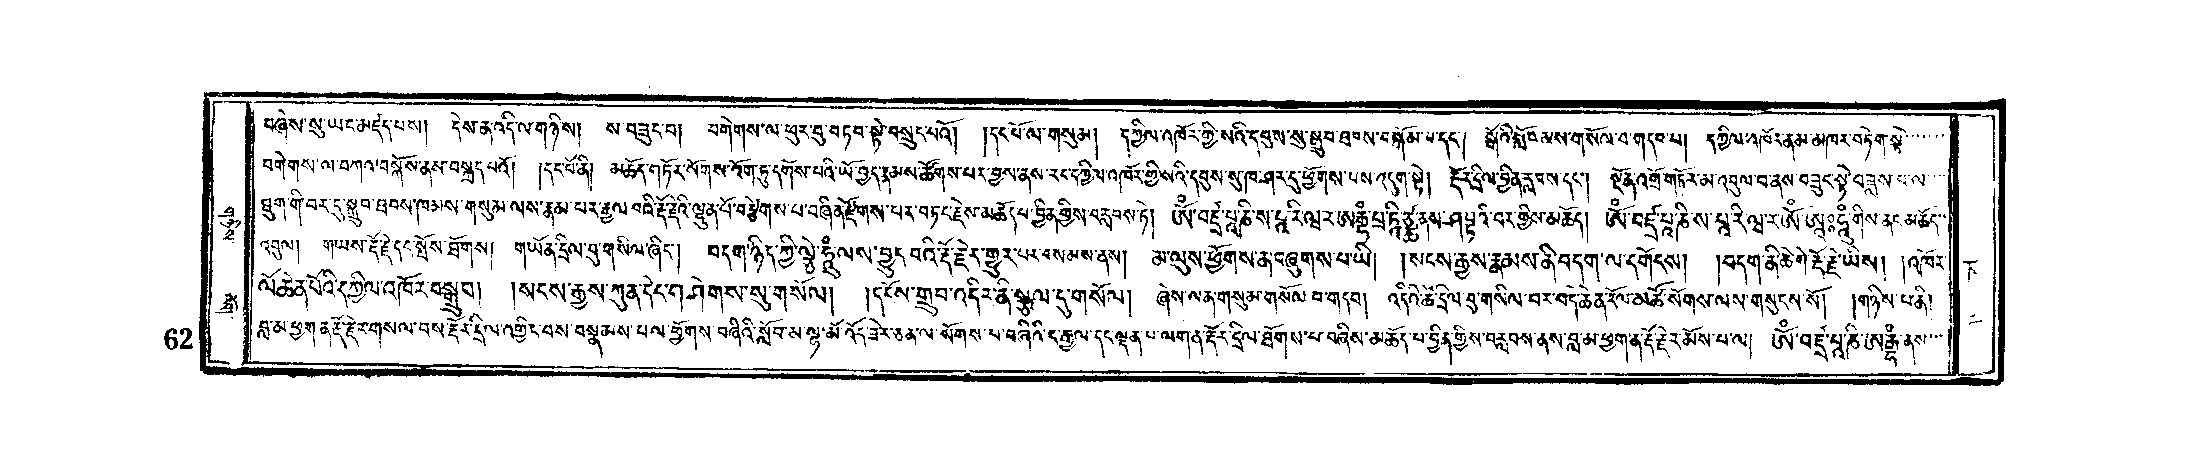བཞེས་སུ་ཡང་མཛད་པས། དེས་ན་འདི་ལ་གཉིས། ས་བཟུང་བ། བགེགས་ལ་ཕུར་བུ་བཏབ་སྟེ་བསྲུང་པའོ། །དང་པོ་ལ་གསུམ། དཀྱིལ་འཁོར་གྱི་སའི་དབུས་སུ་སྒྲུབ་ཐབས་བསྒོམ་པ་དང་། སྒོའི་སློབ་མས་གསོལ་བ་གདབ་པ། དཀྱིལ་འཁོར་ནམ་མཁར་བཏེག་སྟེ་
བགེགས་ལ་བཀའ་བསྐོས་ནས་བསྐྲད་པའོ། །དང་པོ་ནི། མཆོད་གཏོར་སོགས་འོག་ཏུ་དགོས་པའི་ཡོ་བྱད་རྣམས་ཚོགས་པར་བྱས་ནས་རང་དཀྱིལ་འཁོར་གྱི་སའི་དབུས་སུ་ཁ་ཤར་དུ་ཕྱོགས་པས་འདུག་སྟེ། རྡོར་དྲིལ་བྱིན་རླབས་དང་། སྔོན་འགྲོ་གཏོར་མ་འབུལ་བ་ནས་བཟུང་སྟེ་བཟླས་པ་ལ་
ཐུག་གི་བར་དུ་སྒྲུབ་ཐབས་ཁམས་གསུམ་ལས་རྣམ་པར་རྒྱལ་བའི་རྡོ་རྗེའི་ལྷུན་པོ་བརྩེགས་པ་བཞིན་རྫོགས་པར་བཏང་རྗེས་མཆོད་པ་བྱིན་གྱིས་བརླབས་ཏེ། ཨོཾ་བཛྲ་པཱ་ཎི་ས་པཱ་རི་ཝ་ར་ཨརྒྷཾ་པྲ་ཏཱི་ཙྪ་ནས་ཤཔྟའི་བར་གྱིས་མཆོད། ཨོཾ་བཛྲ་པཱ་ཎི་ས་པཱ་རི་ཝ་ར་ཨོཾ་ཨཱཿ ཧཱུཾ་གིས་ནང་མཆོད་
འབུལ། གཡས་རྡོ་རྗེ་དང་སྤོས་ཐོགས། གཡོན་དྲིལ་བུ་གསིལ་ཞིང་། བདག་ཉིད་ཀྱི་ལྕེ་ཧཱུཾ་ལས་བྱུང་བའི་རྡོ་རྗེར་གྱུར་པར་བསམས་ནས། མ་ལུས་ཕྱོགས་ན་བཞུགས་པ་ཡི། །སངས་རྒྱས་རྣམས་ནི་བདག་ལ་དགོངས། །བདག་ནི་ཆེ་གེ་རྡོ་རྗེ་ཡིས། །འཁོར་
ལོ་ཆེན་པོའི་དཀྱིལ་འཁོར་བསྒྲུབ། །སངས་རྒྱས་ཀུན་དེང་གཤེགས་སུ་གསོལ། །དངོས་གྲུབ་འདིར་ནི་སྩལ་དུ་གསོལ། ཞེས་ལན་གསུམ་གསོལ་བ་གདབ། འདིའི་ཚེ་དྲིལ་བུ་གསིལ་བར་བདེ་ཆེན་རོལ་མཚོ་སོགས་ལས་གསུངས་སོ། །གཉིས་པ་ནི།
བླ་མ་ཕྱག་ན་རྡོ་རྗེར་གསལ་བས་རྡོར་དྲིལ་འགྱིང་བས་བསྣམས་པ་ལ་ཕྱོགས་བཞིའི་སློབ་མ་ལྷ་མོ་འོད་ཟེར་ཅན་ལ་སོགས་པ་བཞིའི་ང་རྒྱལ་དང་ལྡན་པ་ལག་ན་རྡོར་དྲིལ་ཐོགས་པ་བཞིས་མཆོད་པ་བྱིན་གྱིས་བརླབས་ནས་བླ་མ་ཕྱག་ན་རྡོ་རྗེར་མོས་པ་ལ། ཨོཾ་བཛྲ་པཱ་ཎི་ཨརྒྷཾ་ནས་